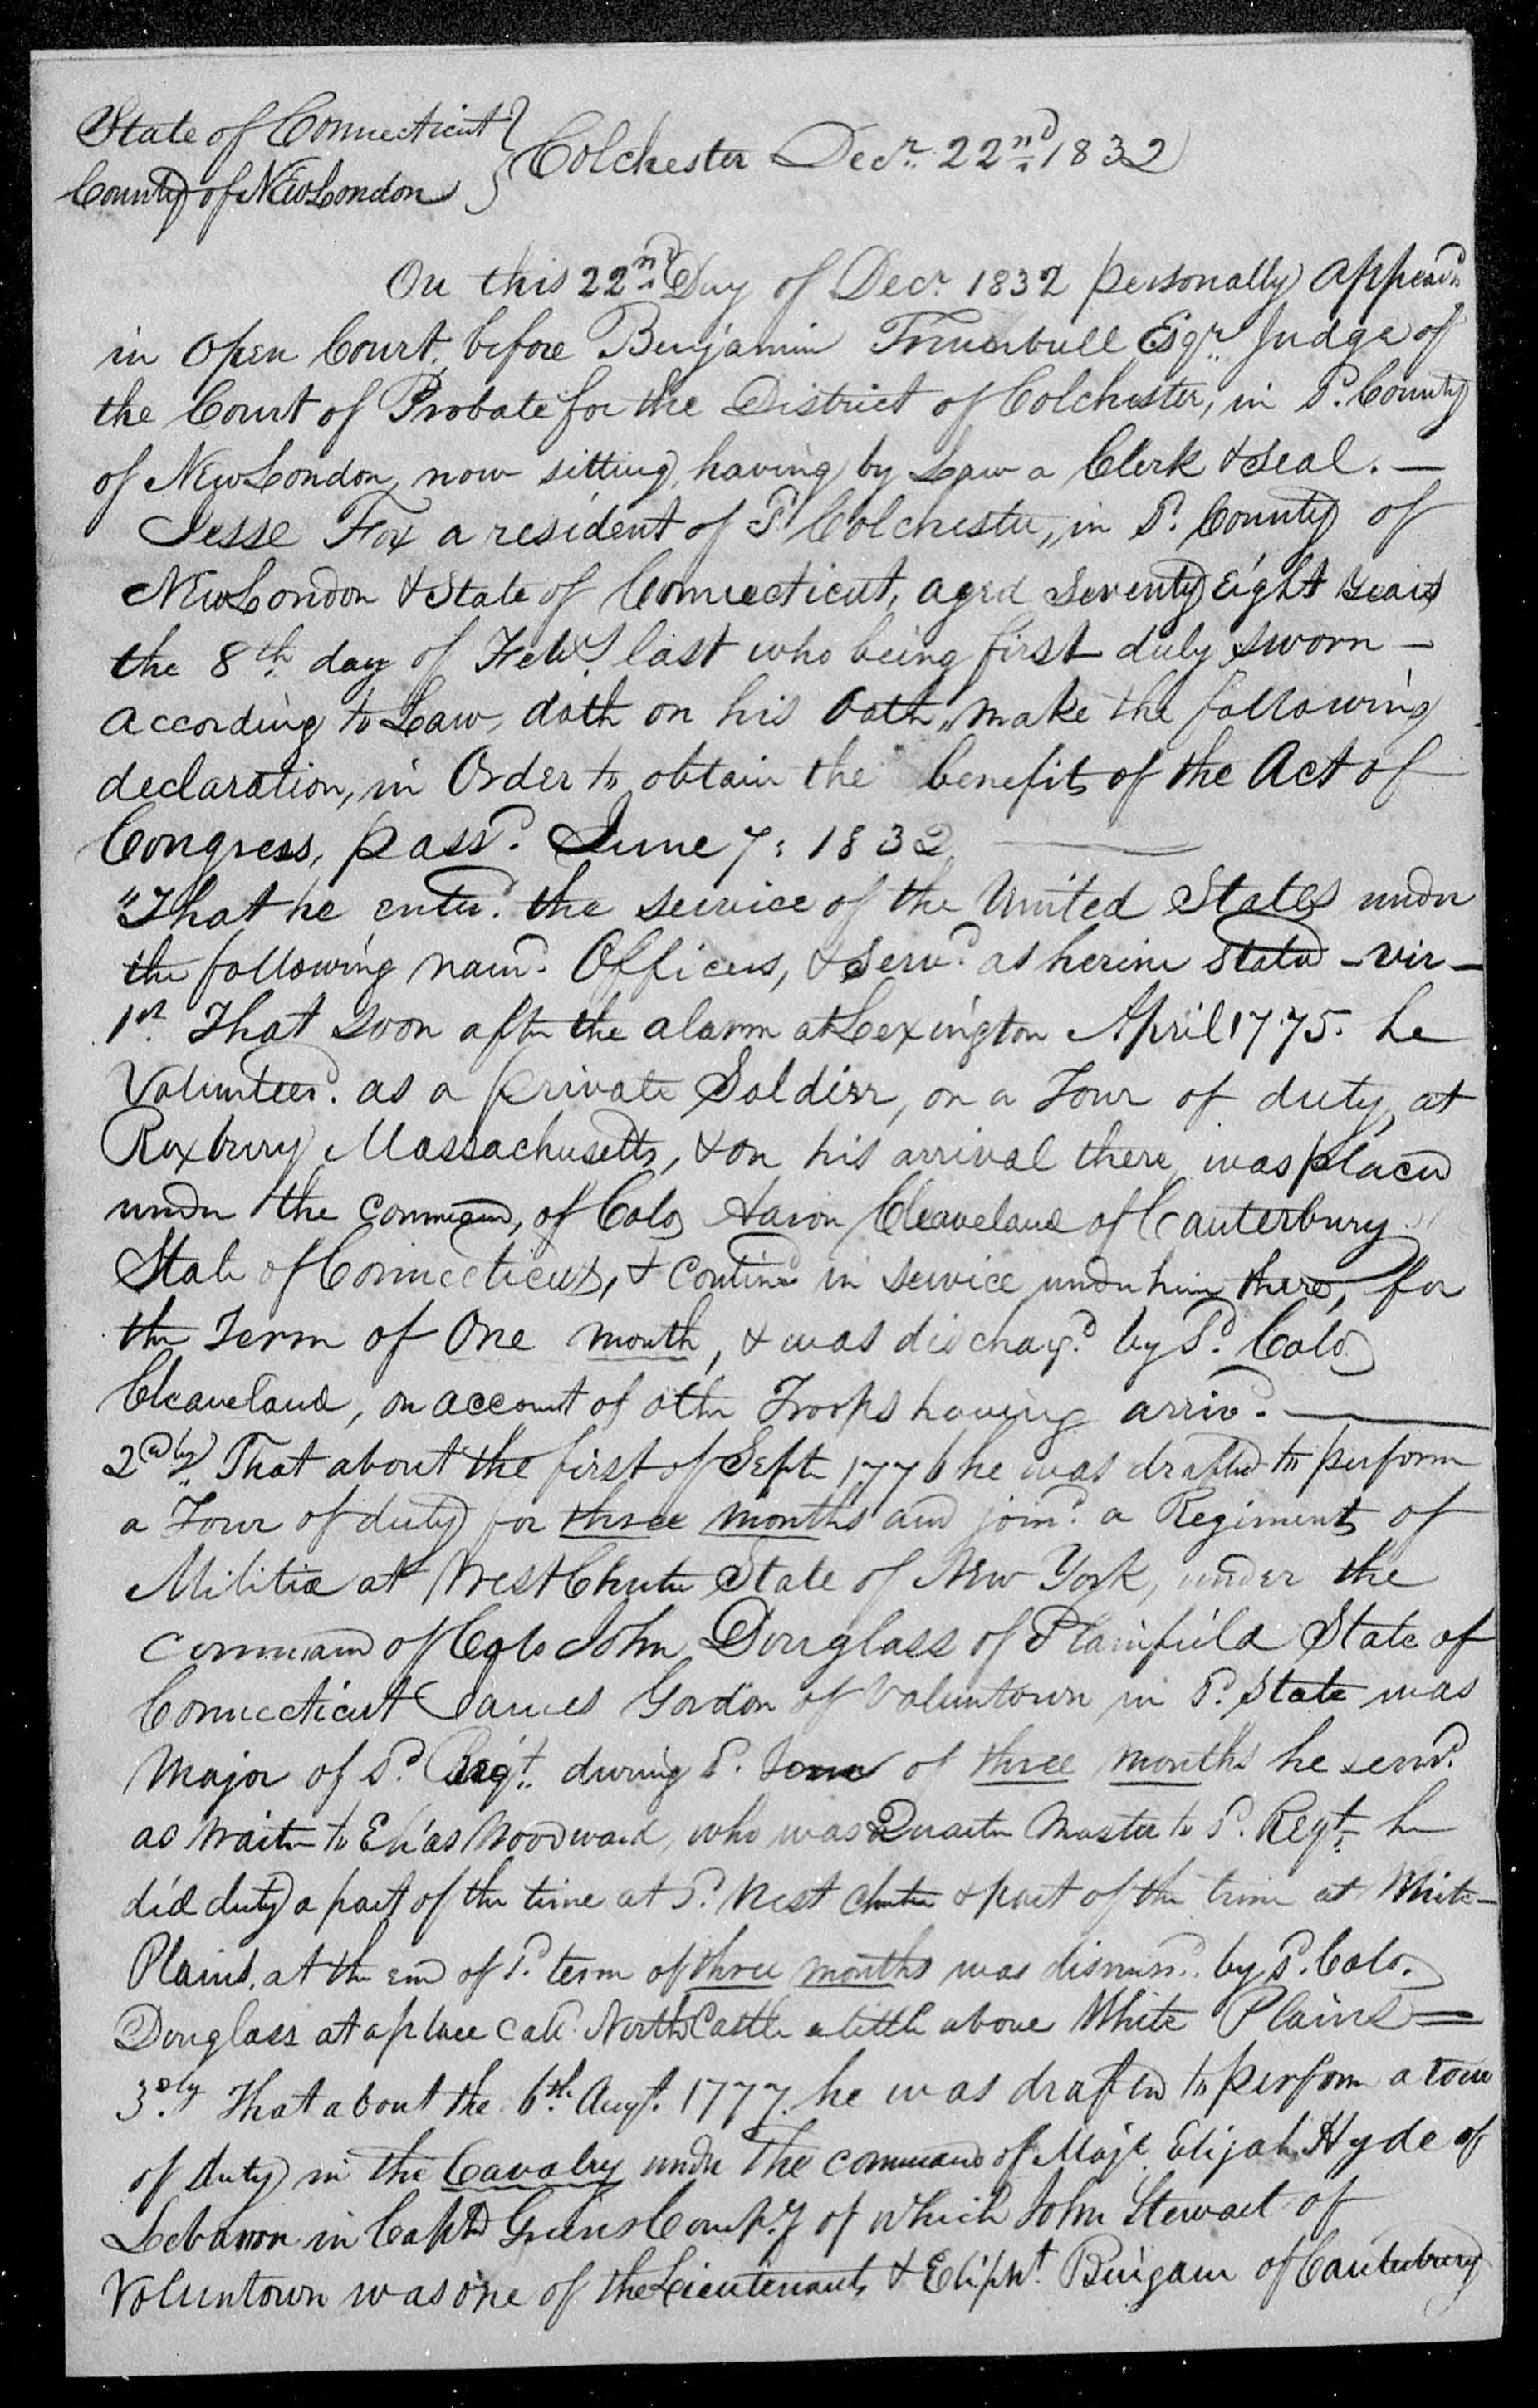State of Connecticut     }
County of New London}

Colchester Decr. 22nd, 1832

On this 22nd Day of Decr. 1832 personally appeared in Open Court before Benjamin Trumbull Esqr. Judge the Court of Probate for the District of Colchester, in [illegible] County of New London now sitting having by Law a Clerk & Seal.  Jesse Fox a resident of [illegible] Colchester, in [illegible] County of New London & State of Connecticut, aged Seventy Eight years the 8th day of Feby last who being first duly sworn, according to Law, doth on his oath, make the following declaration, in Order to obtain the benefits of the Act of Congress, passed June 7, 1832.

"That he entered the service of the United States under the following named Officers, & Served as herein stated - viz - 

1st That soon after the alarm at Lexington April 1775. he Volunteered as a private Soldier, on a Tour of duty, at Roxbury Massachusetts, & on his arrival there was placed under the command, of Col Aaron Cleaveland of Canterbury State of Connecticut, & continued in service under him there, for the Term of One month, & was discharged by Sd Col Cleveland, on account of other Troops having arrived. 

2nd That about the first of Sept 1776 he was drafted to perform a Tour of duty for three months and joined a Regiment of Militia at West Chester State of New York, under the command of Col. John Douglass of Plainfield State of Connecticut James Gordon of Voluntown in [illegible] State was major of [illegible] Regt. during [illegible] of three months he served as Waiter to Elias Woodward, who was Quarter Master to P. Regt. he did duty a part of the time at S. West Chester & part of the time at White Plains at the end of [illegible] term of three months was dismissed by [illegible] Col. Douglass at a placed called North Castle a little above White Plains.

3rd That about the 6th of Augt. 1777 he was drafted to perform a tour of duty in the Cavalry under the command of Majr Elijah Hyde of Lebanon in Capt Greens Compy of which John Stewart of Voluntown was one of the Lieutenants & Elipht ingam of Canterbury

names: Elipht Bingam, Elijah Hyde, Jesse Fox, James Gordon, Elias Woodward, John Douglass, John Stewart, Cleaveland, Benjamin Trumbull, Aaron Cleaveland, Douglass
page: 5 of 53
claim: rejected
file: R. 3732, Jesse Fox, Conn.